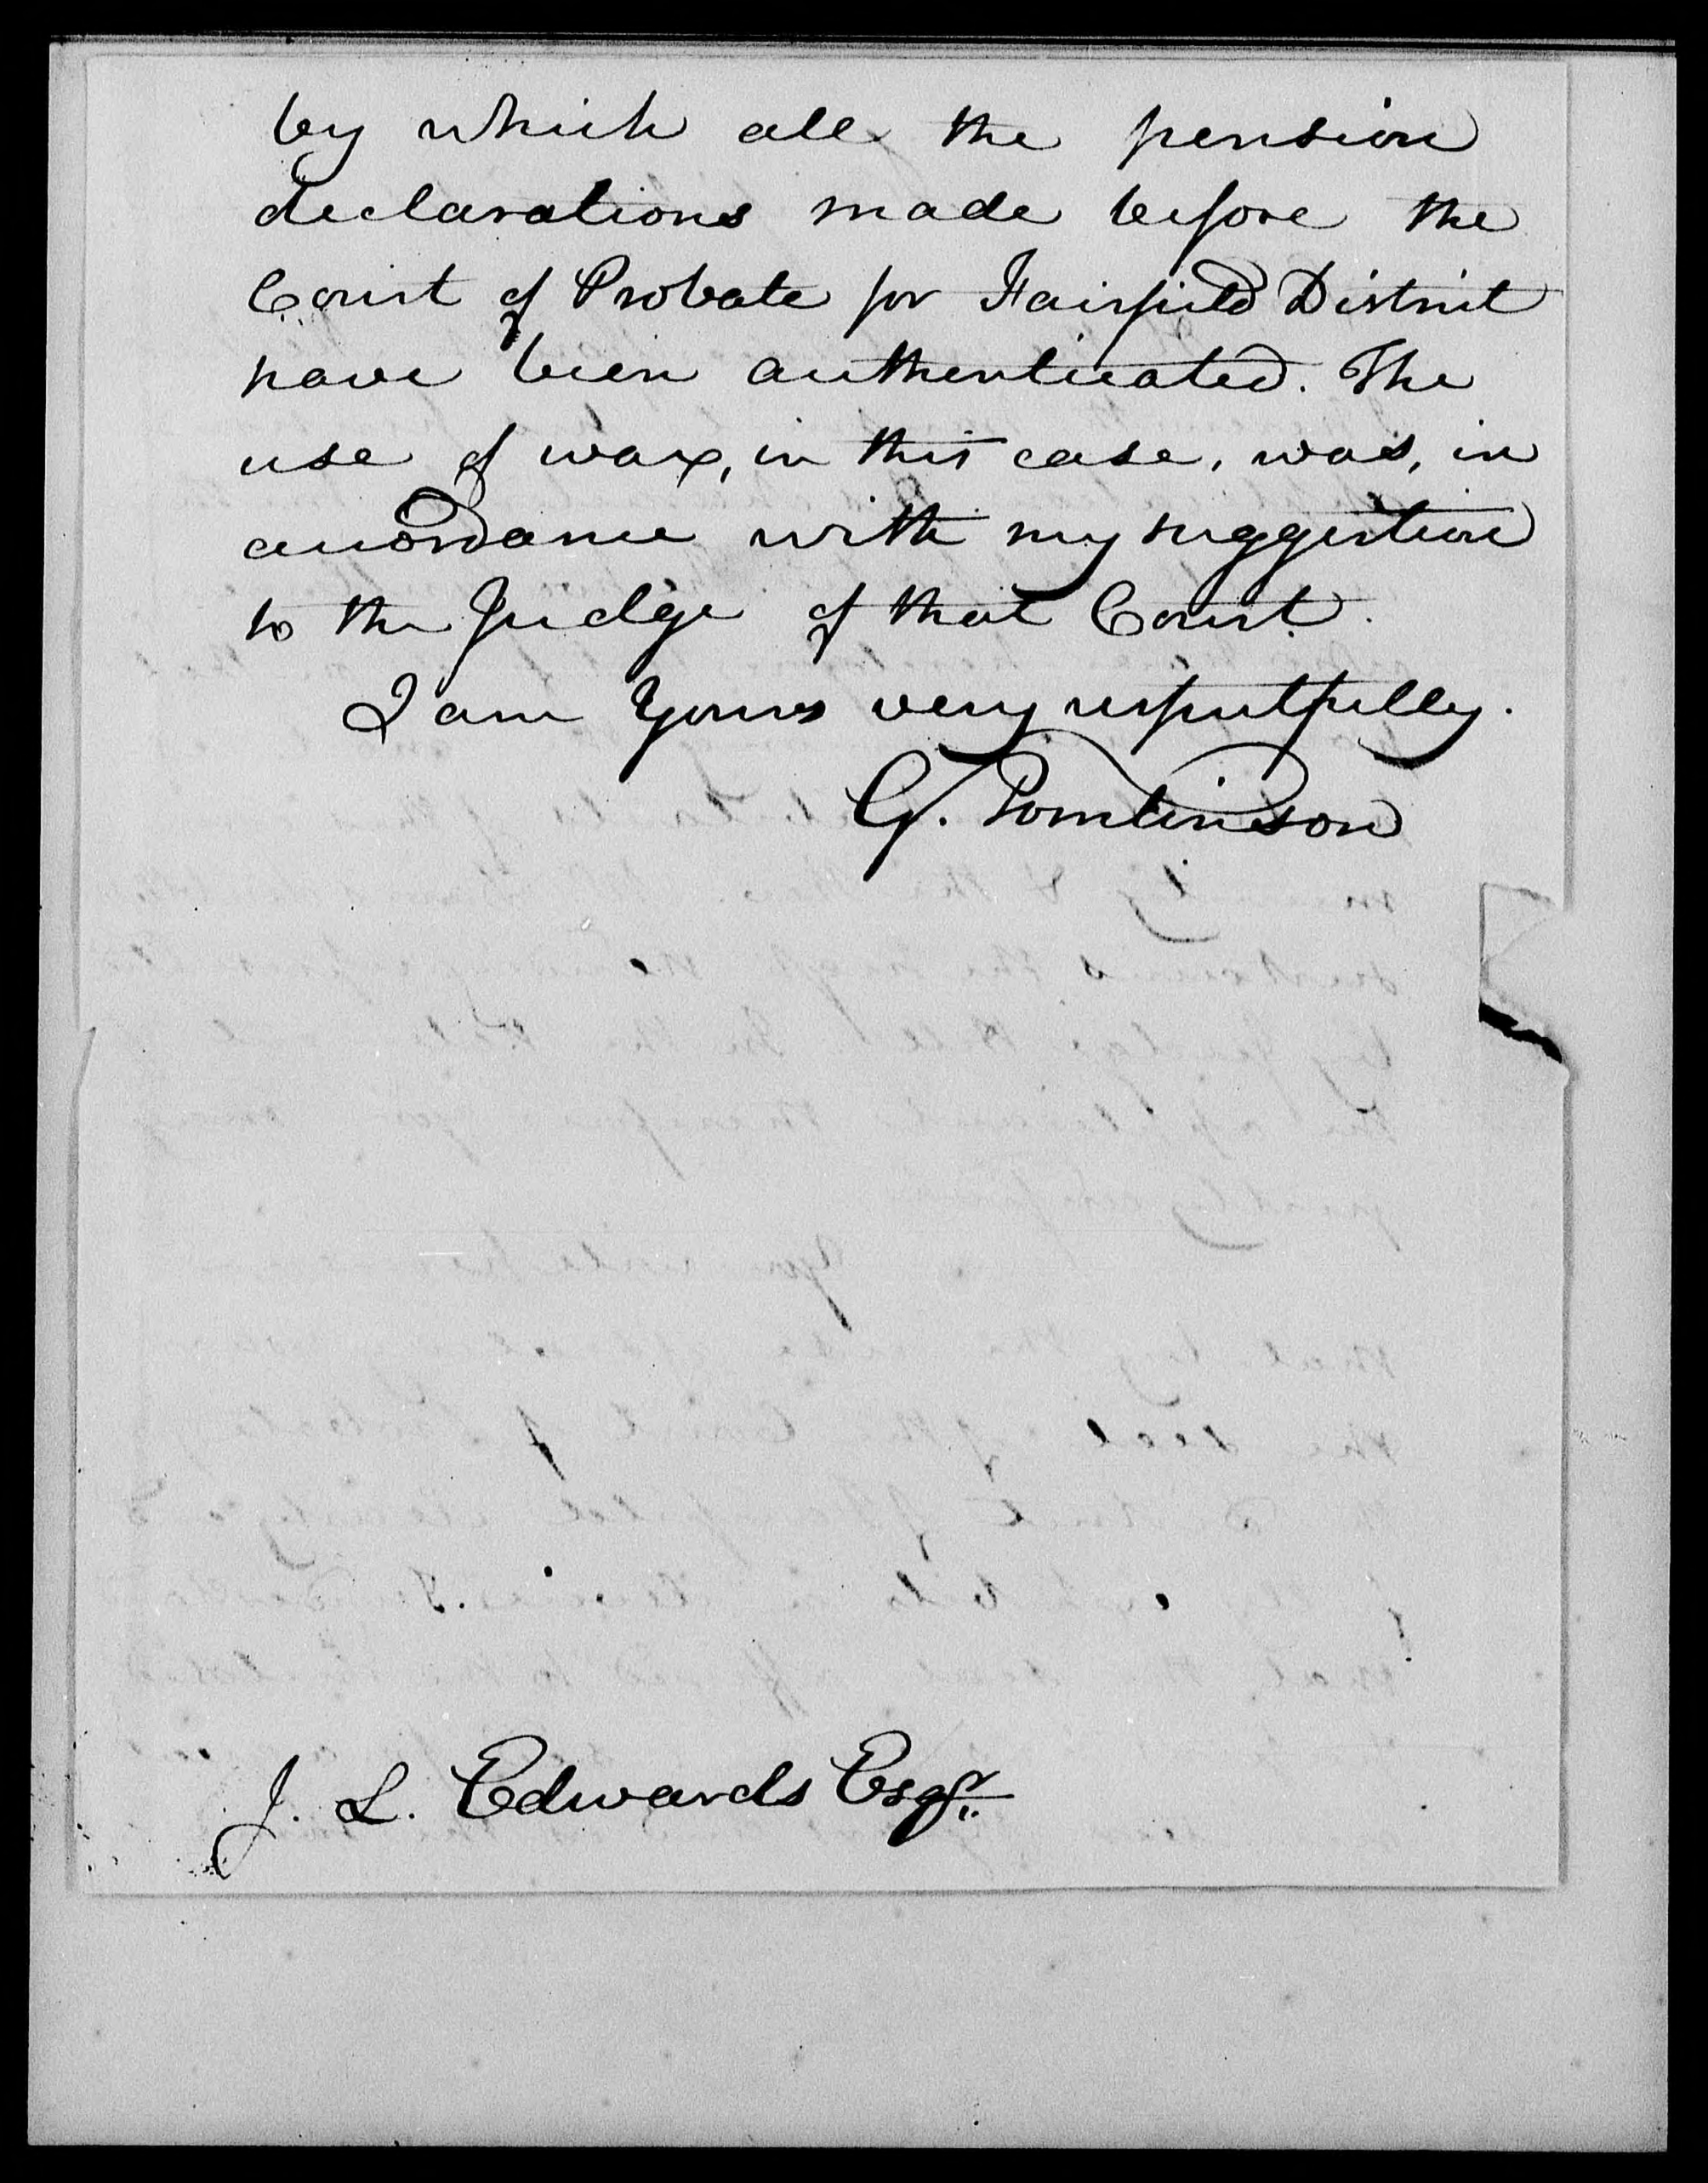by which all the pension declarations made before the Court of Probate for Fairfield District have been authenticated.  The use of wax, in this case, was, in accordance with my suggestion to the Judge of that Court.

   I am yours very respectfully,

       [Signed]   G. Tomlinson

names: J L Edwards; G Tomlinson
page: 22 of 22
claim: survivor's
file: S. 15,517, for Joseph Meeker, Connecticut